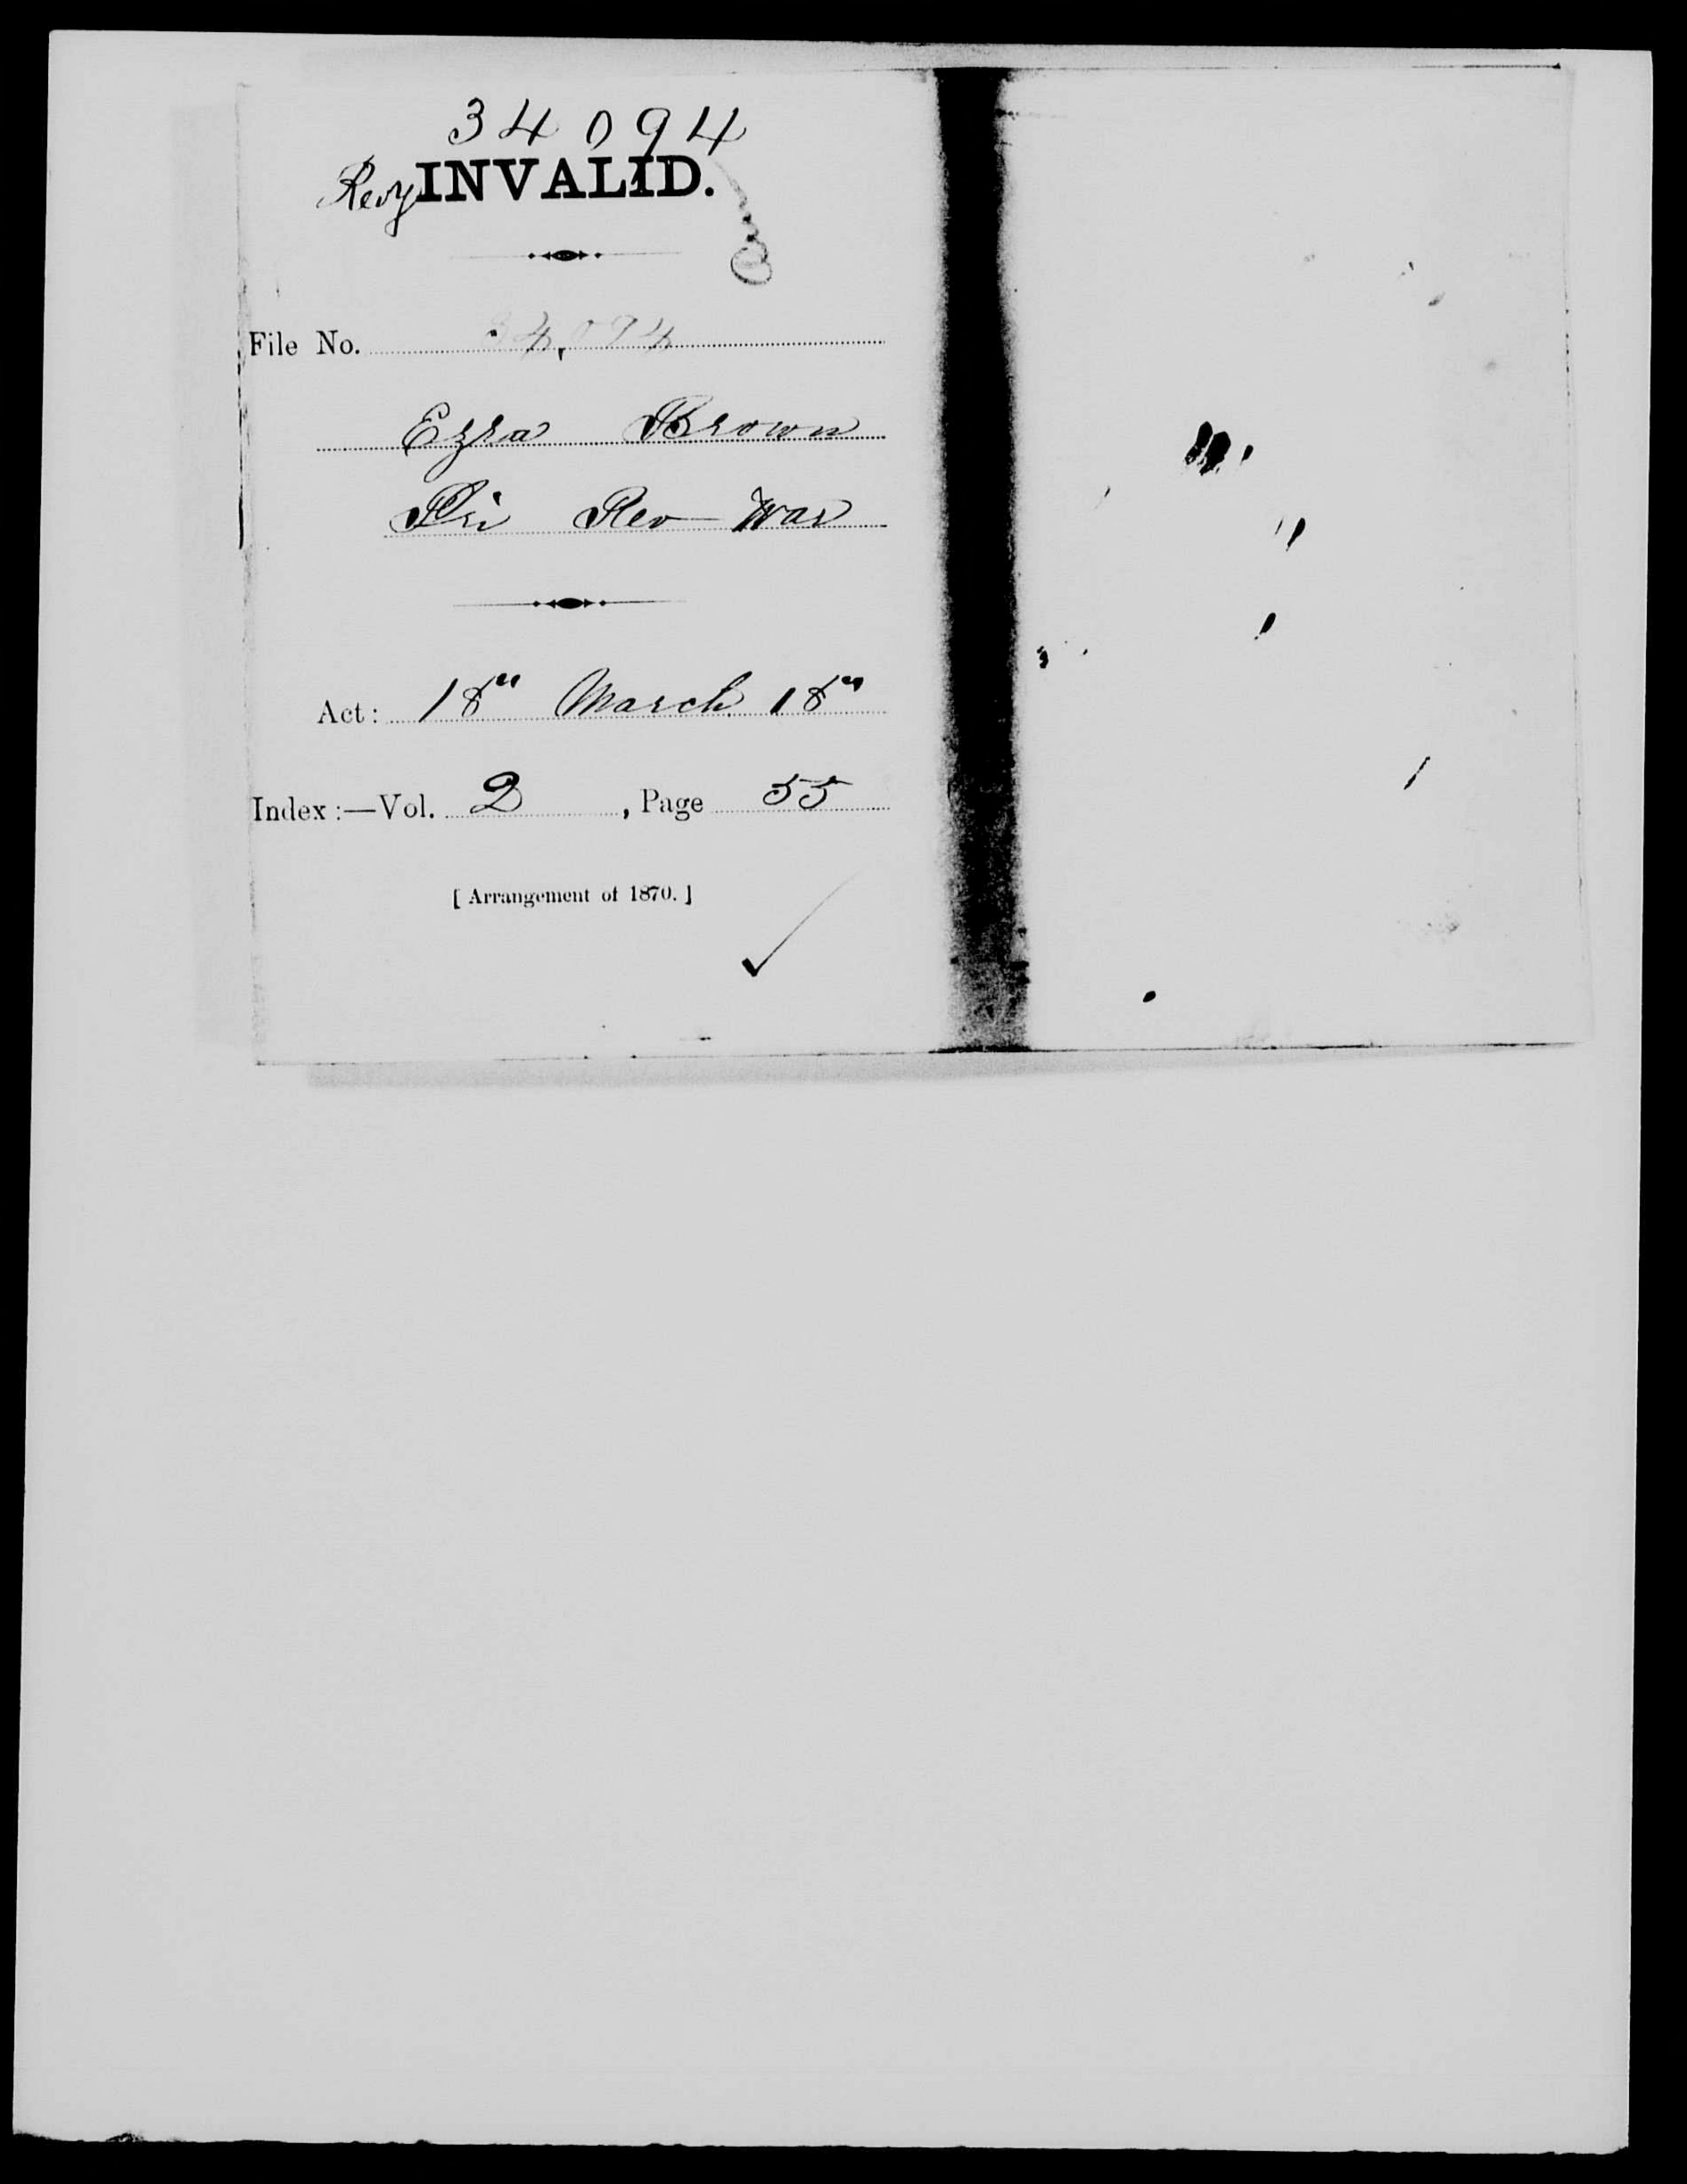34094
Revy INVALID.
-----------------

File No. 34094
Ezra Brown
Priv Rev War
-----------------
Act: 18th March 18
Index: - Vol. 2, Page 55
[Arrangement of 1870.}

[Arrangement of 1870]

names: Ezra Brown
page: 11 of 27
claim: survivor's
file: S. 34,094, Ezra Brown, New Jersey